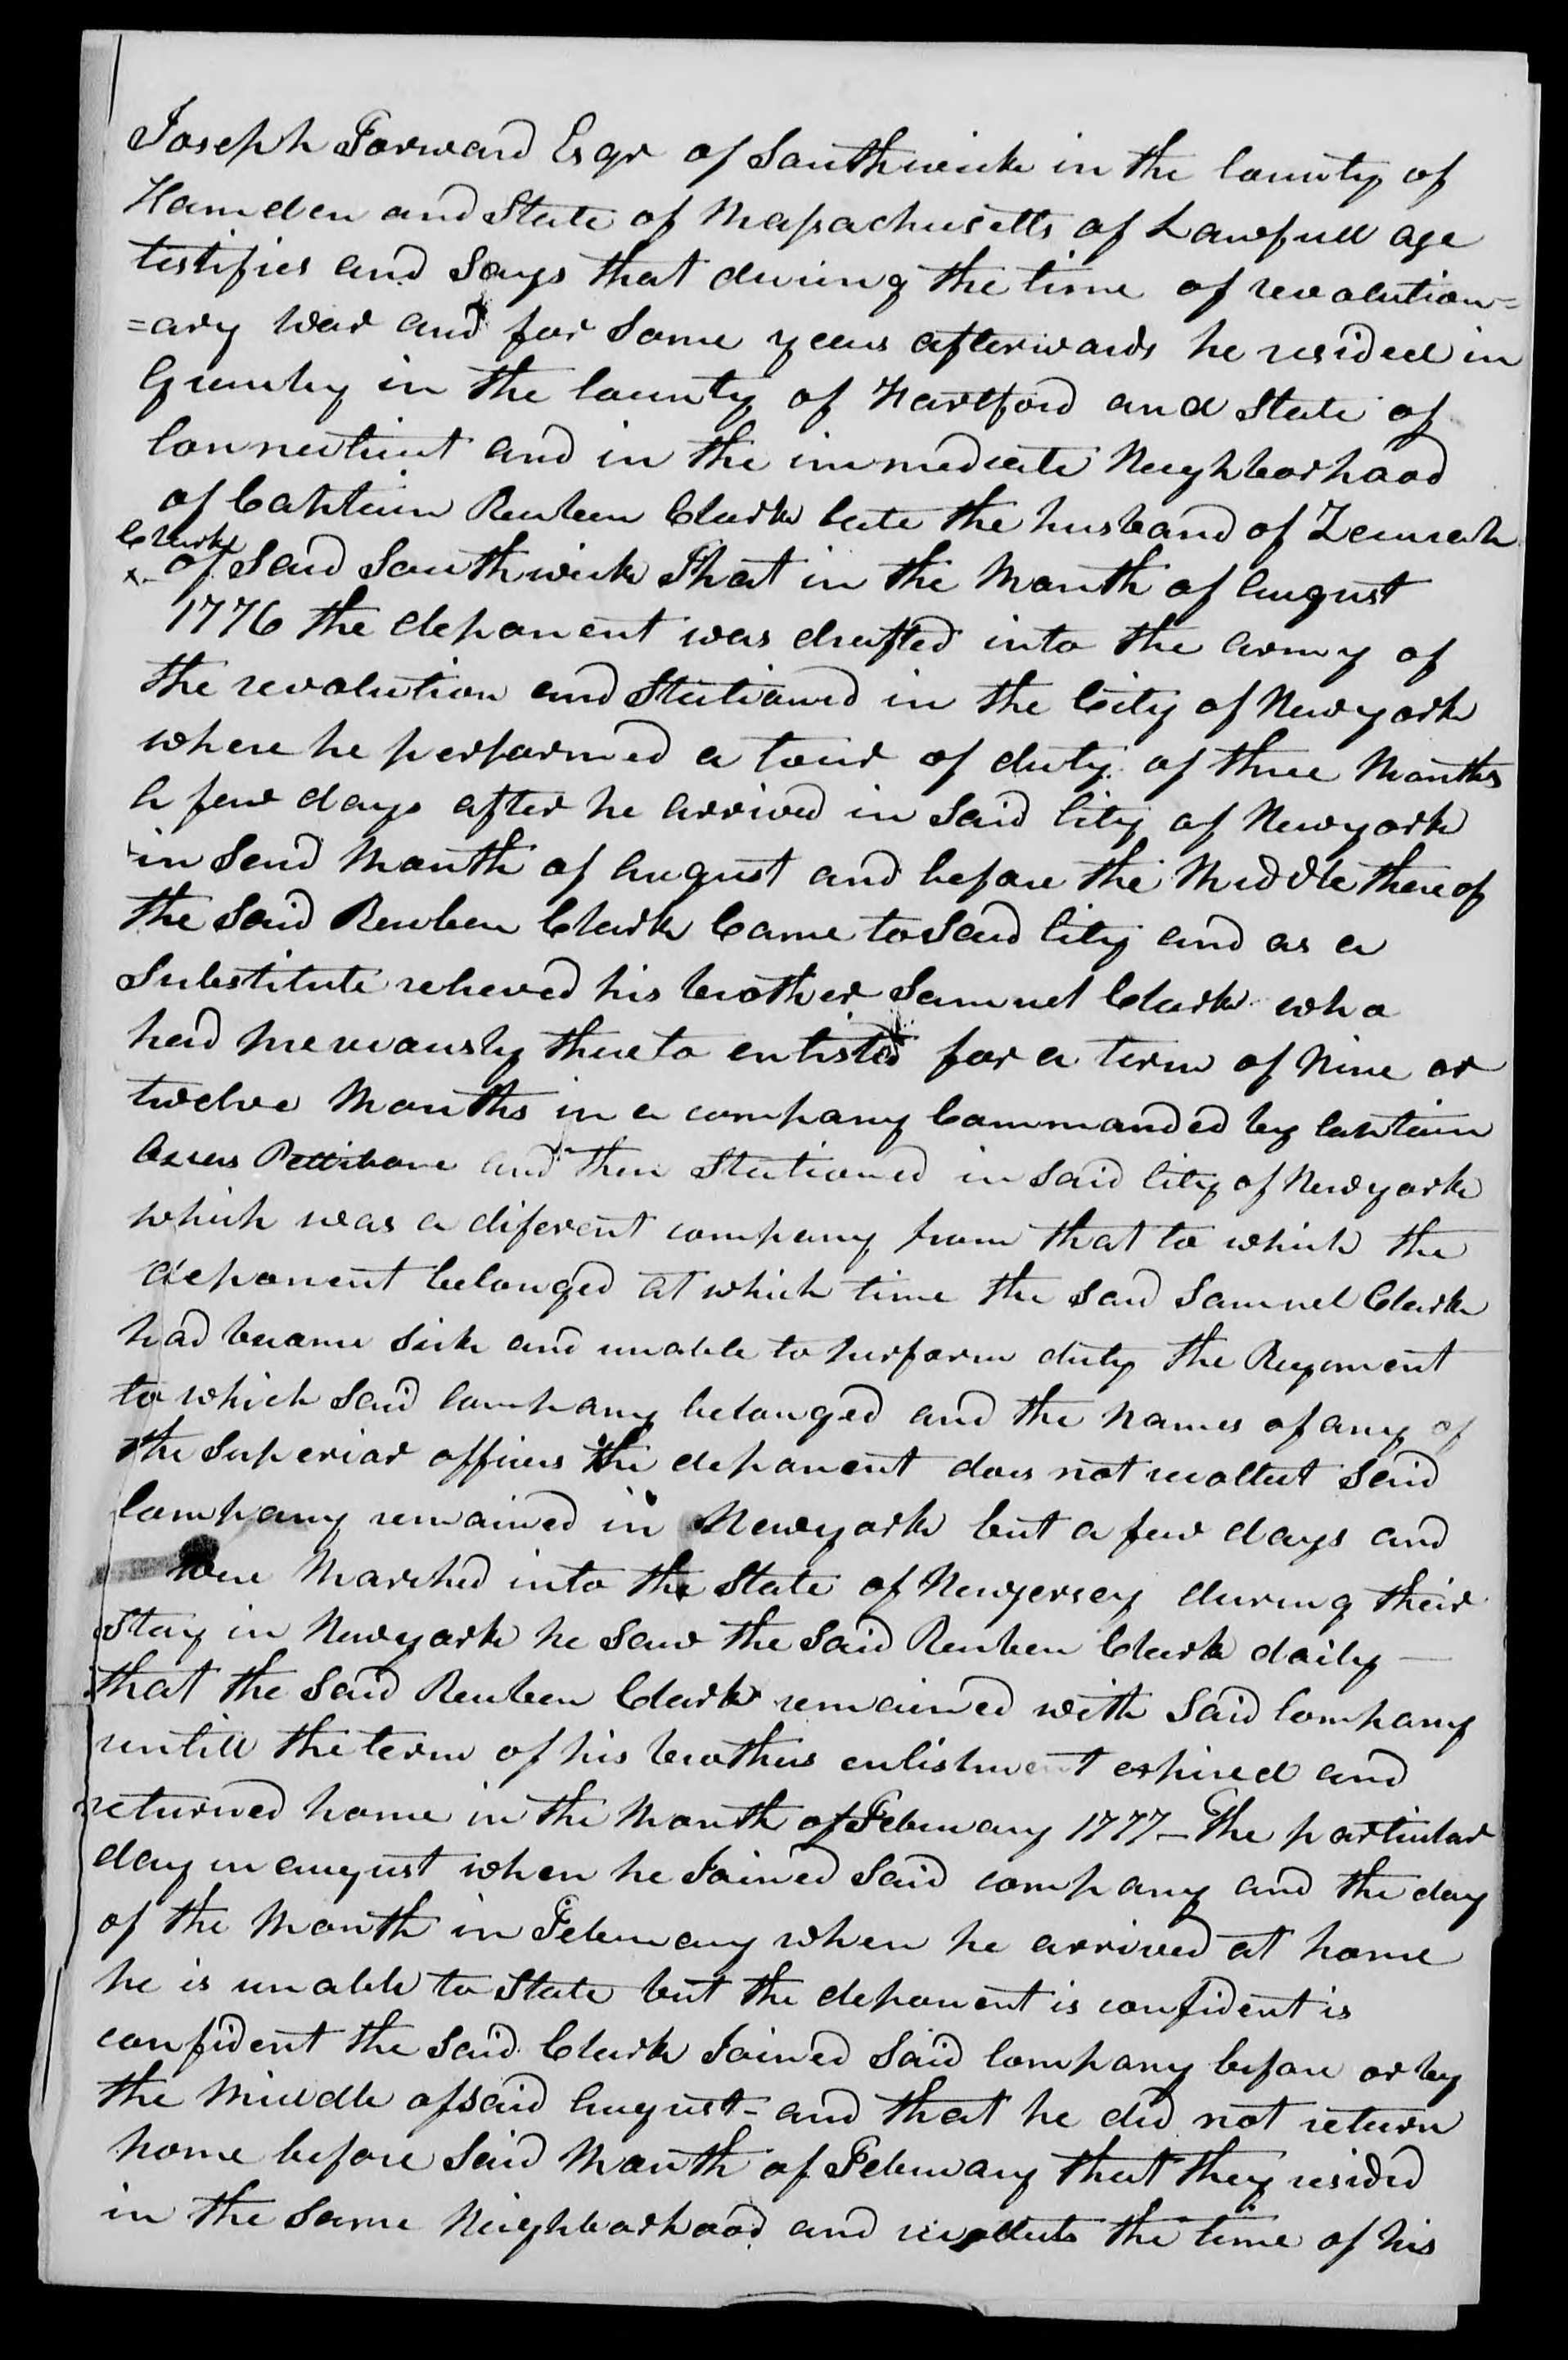[handwritten]
Joseph Forward Esq of Southwick in the County of Hamden and State of Massachusetts of Lawfull age testifies and Says that during the time of the revolutionary war and for Some years afterwards he resided in Granby in the County of Hartford and State of Connecticut and in the immediate Neighborhood of Captain Reuben Clark late the husband of Zeruiah Clark of Said Southwick  That in the Month of August 1776 the deponent was drafted into the Army of the revolution and Stationed in the City of New York where he performed a tour of duty of three Months  A few days after he arrived in the Said City of New York in Said Month of August and before the Middle thereof the Said Reuben Clark came to Said City and as a Substitute relieved his brother Samuel Clark who had previously thereto enlisted for a term of Nine or twelve Months in a company Commanded by Captain Osias Pettibone and then Stationed in Said City of New York which was a diferent company from that to which the deponent belonged  At which time the Said Samuel Clark had become Sick and unable to perform duty  the Regiment to which Said Company belonged and the names of any of the Superior officers the deponent does not recollect  Said Company remained in New York but a few days and were March into the State of New Jersey  during their Stay in New York he Saw the Said Reuben Clark daily – that the Said Reuben Clark remained with Said Company untill the term of his brothers enlistment expired and returned home in the Month of February 1777 – the particular day in August when he Joined Said company and the day of the Month in February when he arrived at home he is unable to State  but the deponent is confident is confident the Said Clark Joined Said Company before or by the Middle of Said August – and that he did not return home before Said Month of February   that they resided in the Same Neighborhood and recollects the time of his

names: Reuben Clark, Reuben Clark, Clark, Zeruiah Clark, Osias Pettibone, Joseph Forward, Reuben Clark, Reuben Clark, Samuel Clark, Samuel Clark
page: 21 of 26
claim: widow's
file: W. 14483, Reuben Clark, Conn.